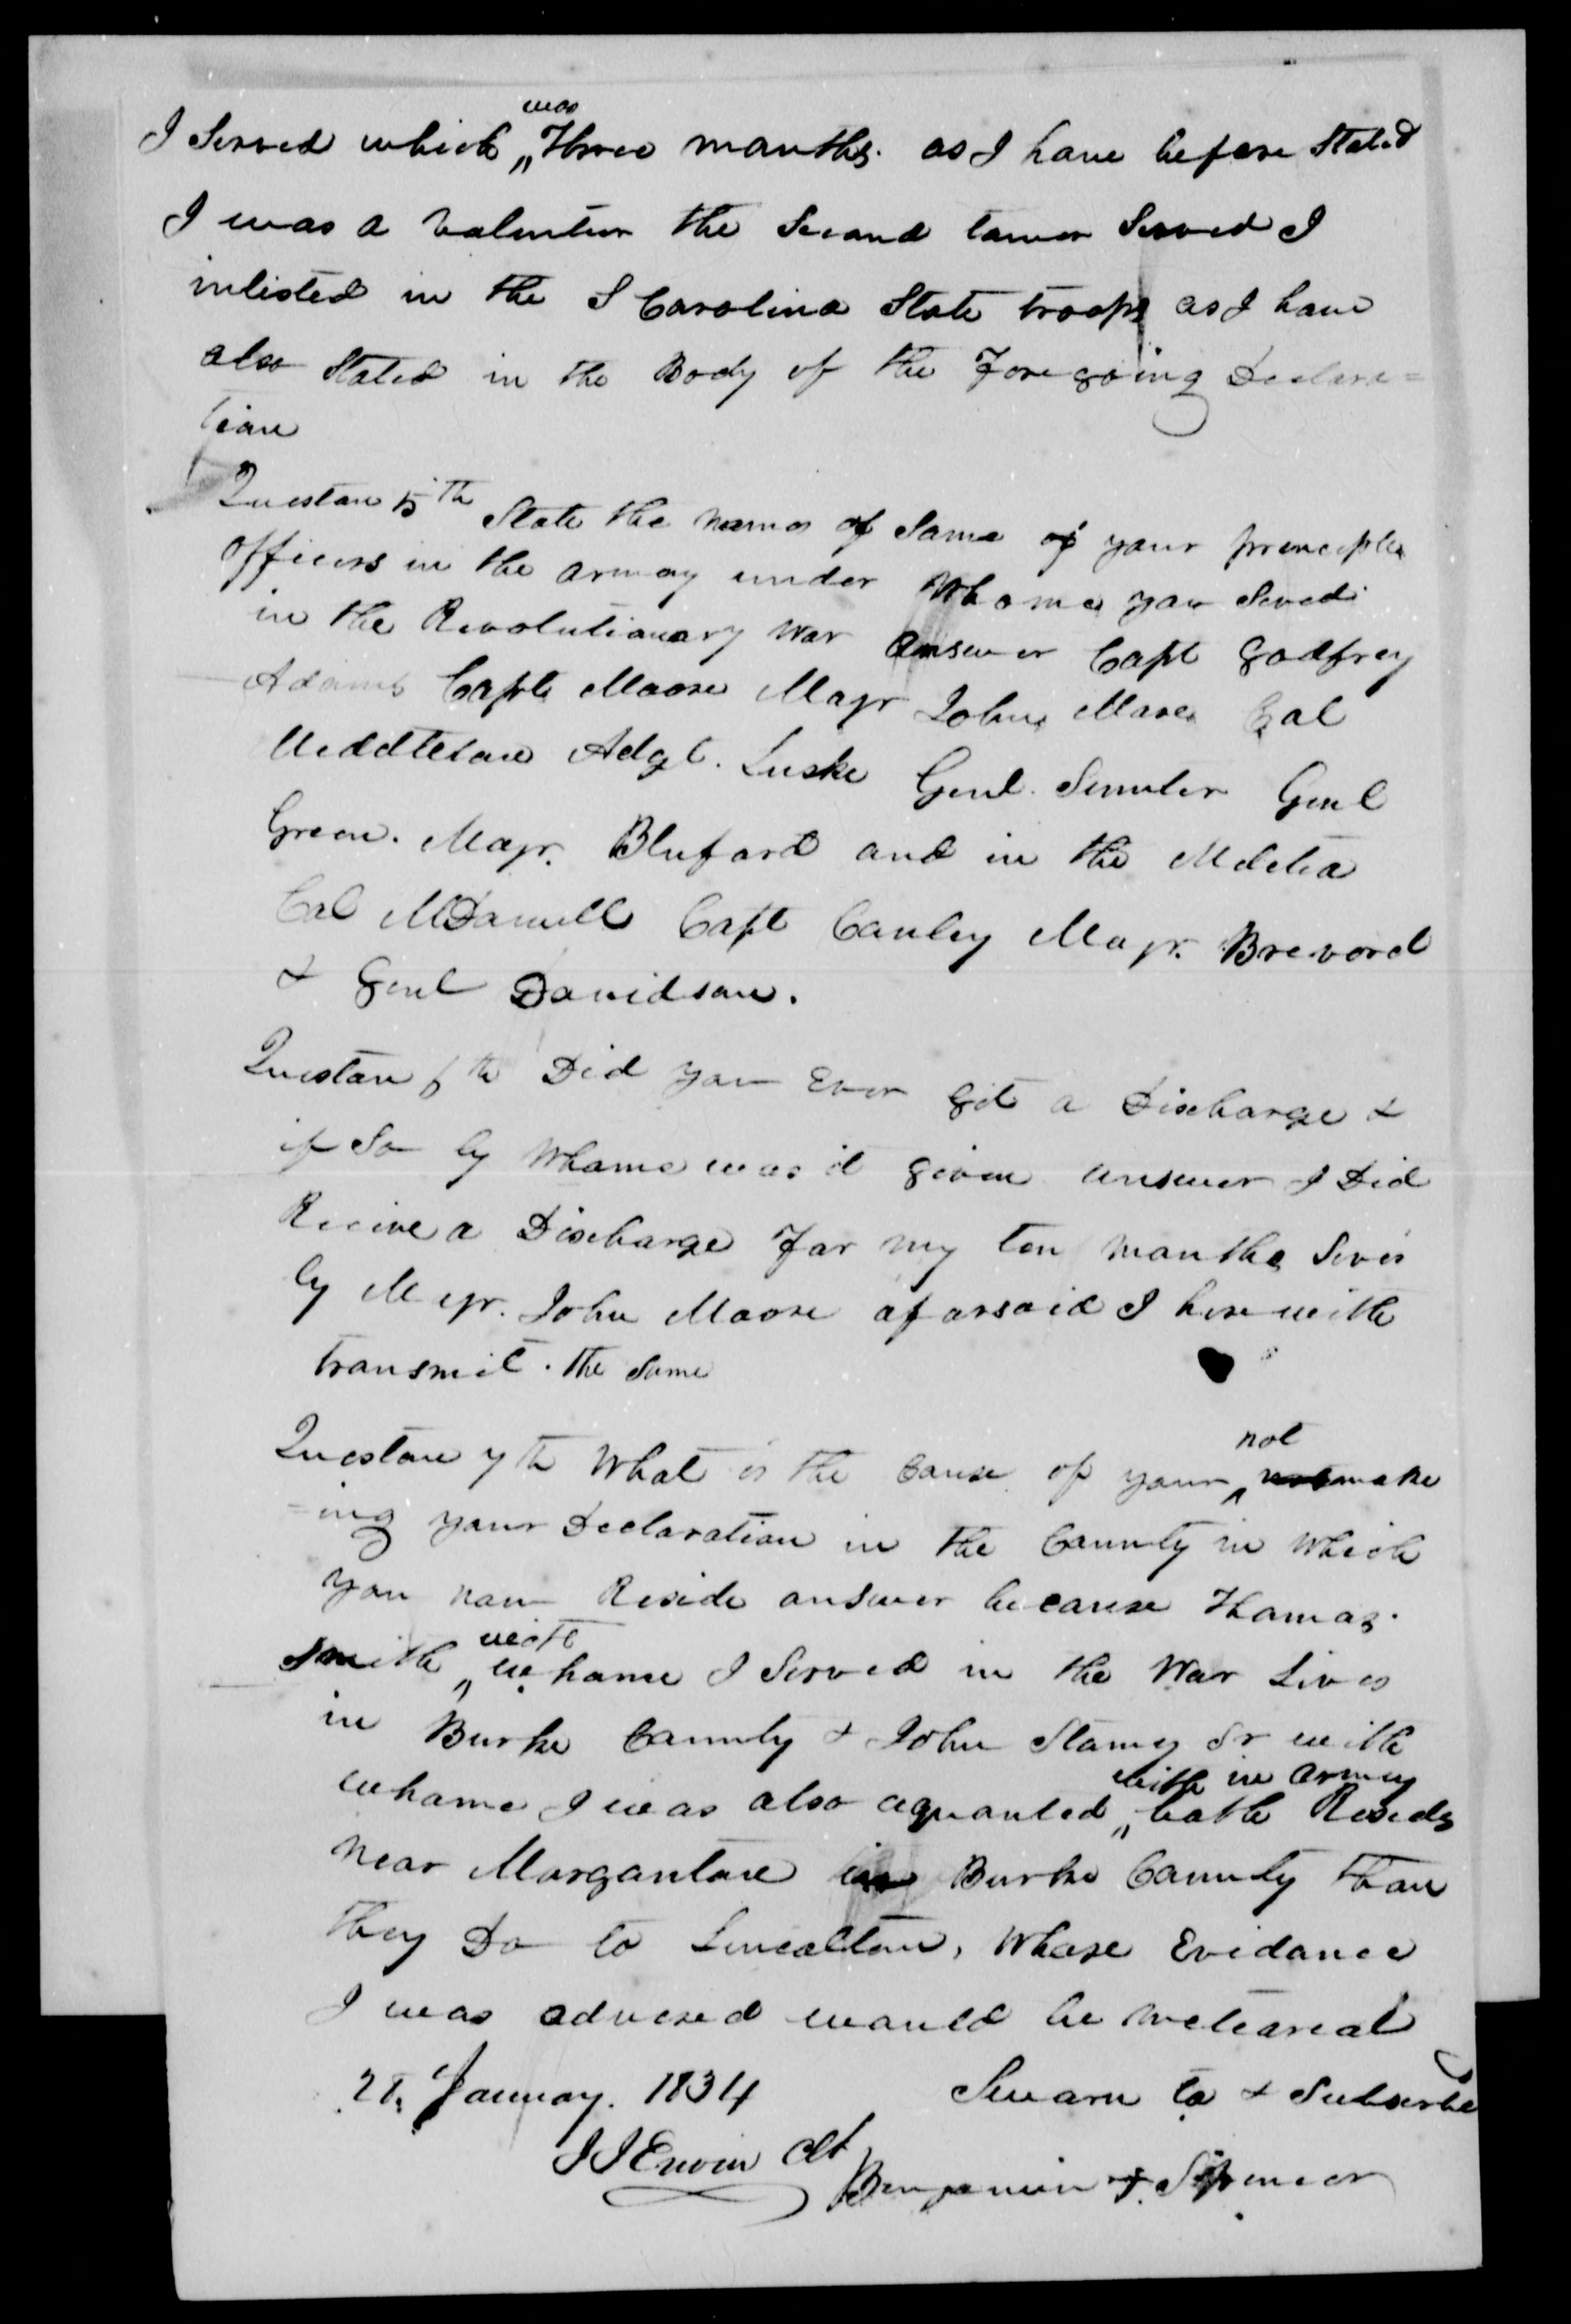I served which was three months, as I have before stated
was a volunteer the second tour Served I
enlisted in the S. Carolina State troops as I have
also stated in the Body of the foregoing Declaration.

Question 5th State the names of some of your principles
officers in the army under whom you served
the Revolutionary War answer Capt. Godfrey
Adams Capt. Moore Majr. John Mares
Middleton  Adgl. Luske Gen.l Sumter Genl
Green Maj. Bluford and in the Militia
Col. McDowell Capt Canley Majr. Brewood
Genl Davidson
Queston 6th Did you ever get a discharge &
if so by whom was it given answer I Did
receive a Discharge for my ten months service
by Maj'r. John Moore aforesaid I herewith
transmit the same

Question 7th what is the cause of your not making
your declaration in the County in which
you name Reside answer because Thomas
Smith with whom I served in the war lives
in Burke County & John Staney Sr. with
whom I was also acquainted with in army Reside
near Margantare in Burke County than
they do to Lincoln, whose Evidence
I was advised would be material
28 January 1834
Sworn to & Subscribed
 Benjamin X Spencer
J J Erwin Clk.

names: [BLANK] Moore; [BLANK] M Dawell; [BLANK] Davidson; Godfrey Adams; [BLANK] Luske; [BLANK] Brevord; John Moore; [BLANK] Sumter; [BLANK] Green; [BLANK] Canley; Benjamin Spencer; J J Erwin; [BLANK] Bluford; Thomas Smith; John Mares; John Stamy; [BLANK] Middleton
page: 10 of 63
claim: widow's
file: W. 6158, for Benjamin Spencer, North Carolina